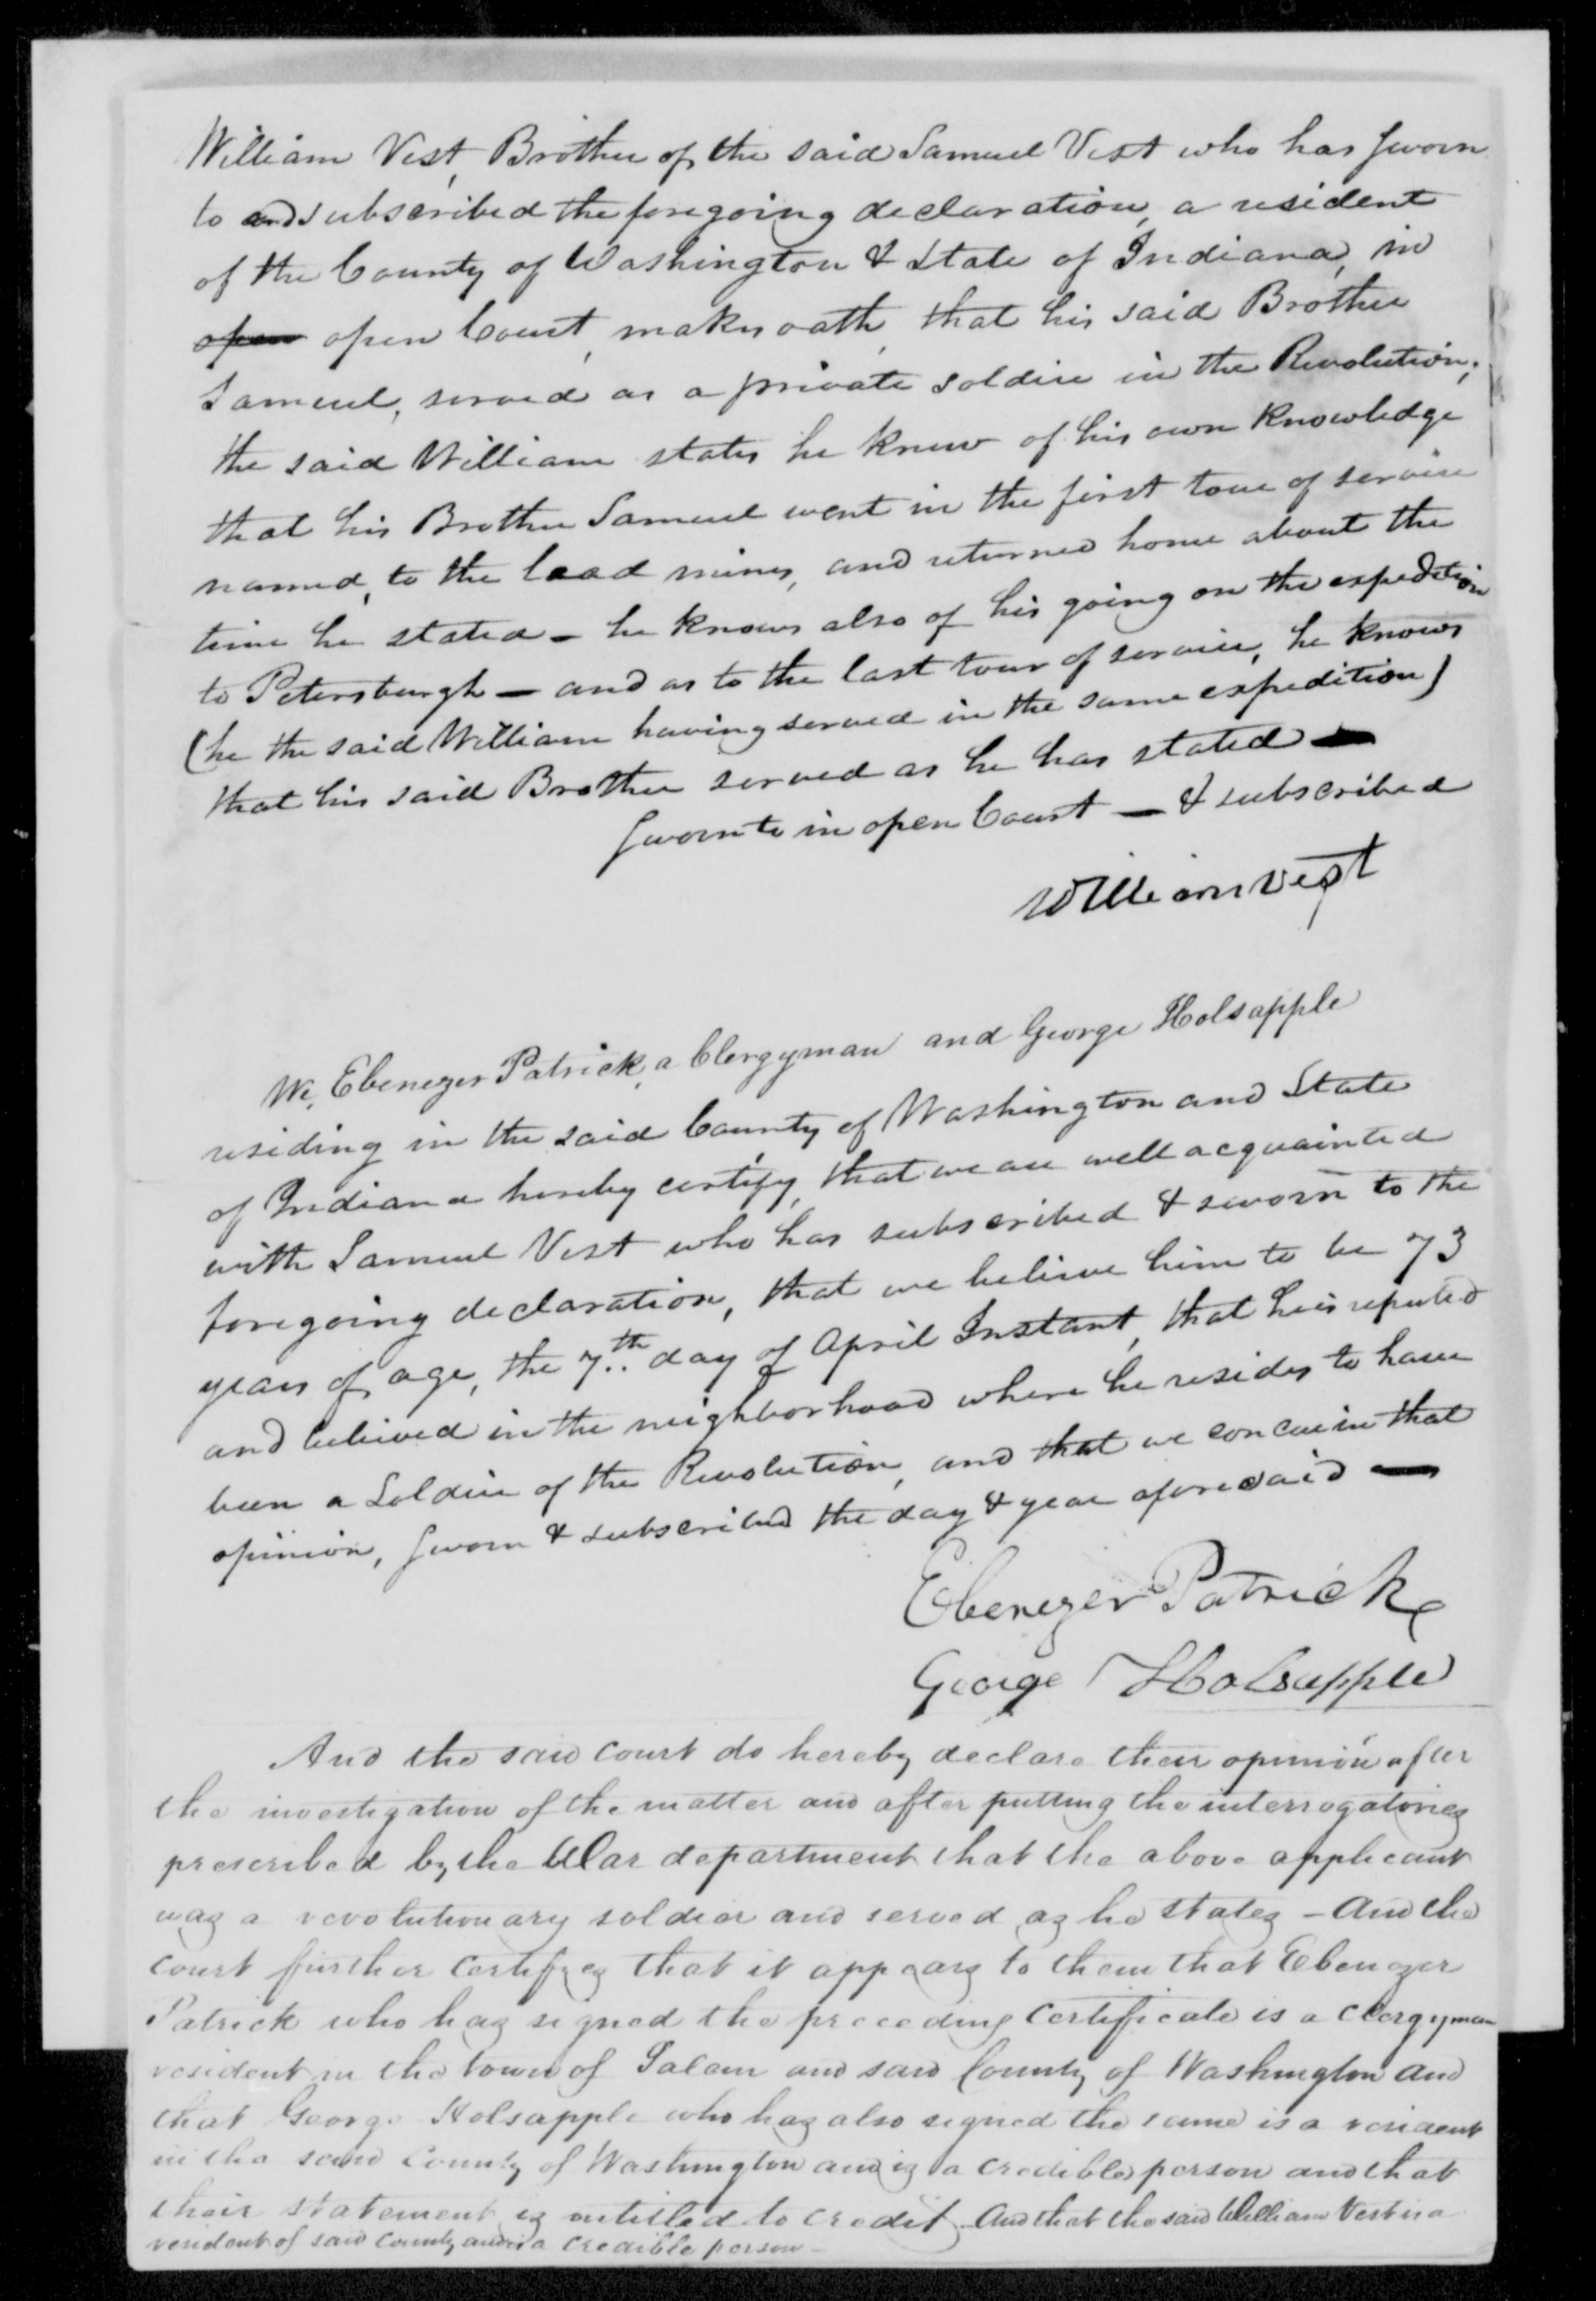William Vest, Brother of the said Samuel Vest who has Sworn to and subscribed the foregoing declaration, a resident of the County of Washington & State of Indiana, in open Court, makes oath, that his said Brother Samuel, served as a private soldier in the Revolution; the said William states he knows of his own Knowledge that his Brother Samuel went in the first tour of service named, to the lead mines, and returned home about the time he stated - he knows also of his going on the expedition to Petersburgh - and as to the last tour of service, he knows (he the said William having served in the same expedition) that his said Brother served as he has stated -
Sworn to in open Court - & subscribed
William Vest

We, Ebenezer Patrick a Clergyman and George Holsapple residing in the said County of Washington and State of Indiana hereby certify, that we are well acquainted with Samuel Vest who has subscribed & sworn to the foregoing declaration, that we believe him to be 73 years of age, the 7th day of April Instant, that he is reputed and believed in the neighborhood where he resides to have been a Soldier of the Revolution, and that we concur in that opinion, Sworn & subscribed the day & year aforesaid -
Ebenezer Patrick
George Halsapple

And the said court do hereby declare their opinion after the investigation of the matter and after putting the interrogatories prescribed by the War department that the above applicant was a revolutionary soldier and served as he states - And the court further Certifies that it appears to them that Ebenezer Patrick who has signed the preceding Certificate is a Clergyman resident in the town of Salem and said County of Washington and that George Holsapple who has also signed the same is a resident in the said County of Washington and is a Credible person and that their statement is entitled to Credit And that the said William Vest is a resident of said County and is a Credible person-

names: William Vest, William Vest, George Holsapple, William, Samuel, Ebenezer Patrick, Ebenezer Patrick, George Holsapple, Ebenezer Patrick, Samuel Vest, George Holsapple, Samuel, William Vest, Samuel Vest, William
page: 6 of 15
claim: survivor's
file: S. 16,563, Samuel Vest, Va.